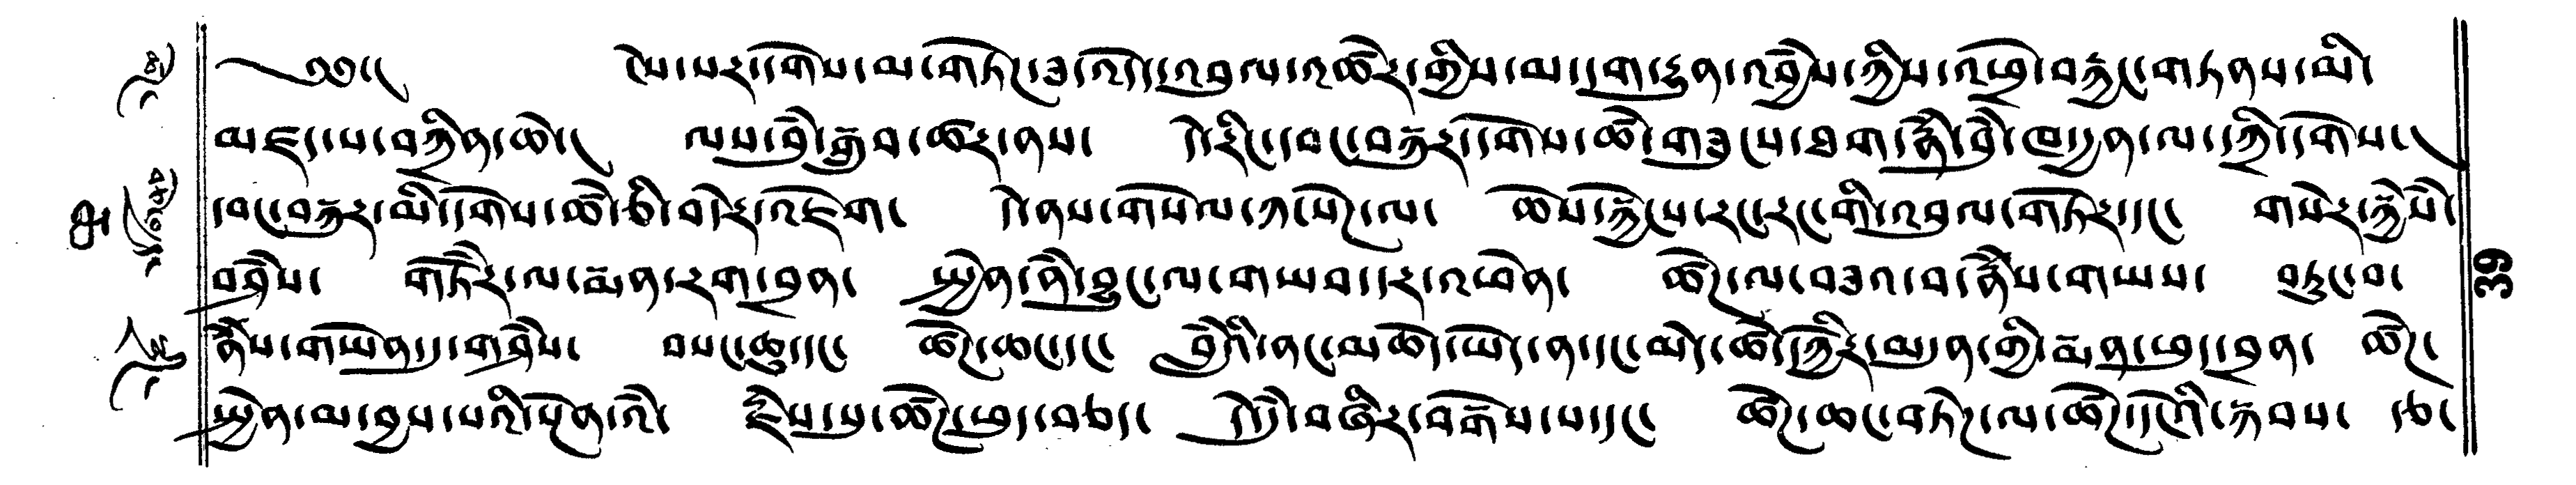ངེས་པར་དགོས་མ་གཏོགས་ཟ་འདོད་འབུལ་འཚེར་གྱིས་མ་དག་རྒྱུན་འབྱམས་ཀྱི་འཕྲོ་བརྐྱང་གཏན་ནས་མི་
མཛད་པ་བཀའ་དྲིན་ཆེ། ལས་བུམ་སྒྲུབ་ཚར་ནས། དེ་རིང་དབང་བསྐུར་དགོས་ཚེ་གཟུངས་ཐག་རྣམ་བུམ་ཁ་རྒྱན་ལ་དཀྲི་དགོས། 
དབང་བསྐུར་མི་དགོས་ཚེ་ཅི་བདེར་འཇོག དེ་ནས་གསོལ་ཀ་སོགས་ལ། ཆོས་སྐྱོང་རང་རང་གི་འབུལ་གཏོར་དང་། གསེར་སྐྱེམས་
བཤམས། གཏོར་མ་ལ་སྨན་རཀ་བྲན། སྤྱན་འདྲེན་ནམ་བྱུང་ལ་གཡབ་དར་འཕེན། ཚོགས་ལ་བཟའ་བ་རྣམས་གཡས། བཏུང་བ་
རྣམས་གཡོན་དུ་གཤམས། བསང་ཆུ་དང་། ཚོགས་ཆང་དང་། བླ་མའི་ནང་མཆོད་ཡོད་ན་དང་མེད་ཚེ་དཀྱིལ་འཁོར་མདུན་གྱི་སྨན་ཕུད་བྲན། ཚོགས་
སྤྱན་འདྲེན་མ་བྱས་པའི་སྔོན་ནམ་རྗེས་སུ་ཚོགས་ཕུད་བཅད། དེ་དུམ་བཞིར་བགོས་པ་དང་། ཚོགས་ཆང་བཏེགས་ལ་ཚོགས་དང་པོའི་སྐབས། རྩ་